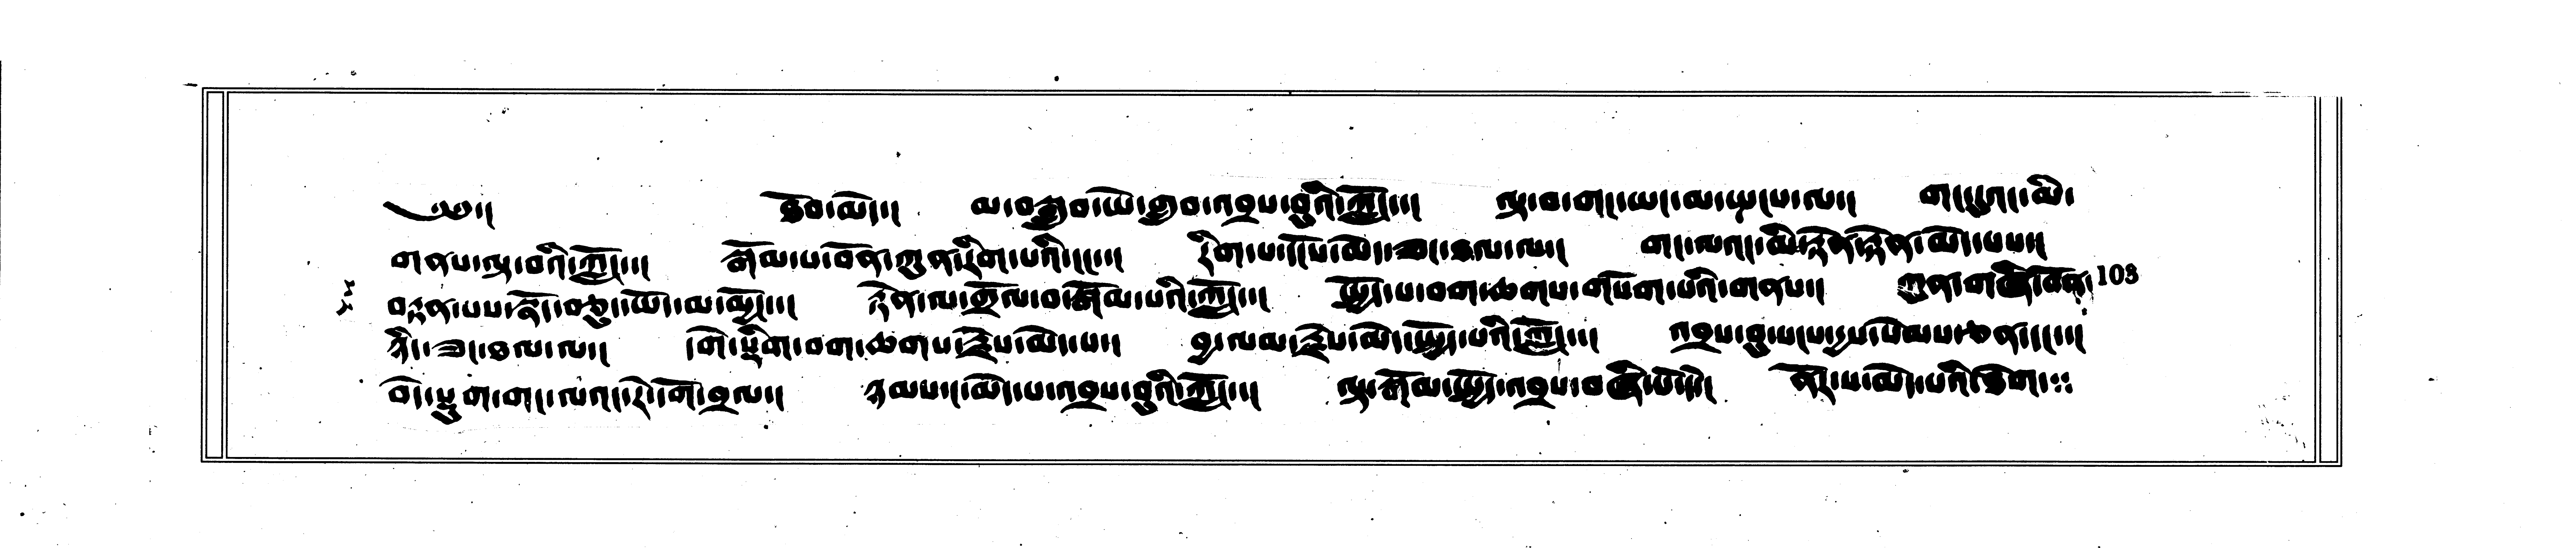ཐོབ་མེད། །མ་བསྒྲུབ་ཡེ་གྲུབ་འབྲས་བུའི་ཀློང་། །ལྟ་བ་གང་ཡང་མ་སྤངས་ལ། །གང་དུའང་མི་
གནས་ལྟ་བའི་ཀློང་། །སྒོམ་པ་བོན་ཀུན་རིག་པའི་ངང་། །རིག་པ་དངོས་མེད་ཟང་ཐལ་ལ། །གང་ལའང་མི་རྟེན་རྟེན་མེད་པས། །བ
རྟན་པས་སྣོད་བཅུད་ཡོད་མ་མྱོང་། །རྟེན་མ་གྲོལ་བ་སྒོམ་པའི་ཀློང་། །སྤྱོད་པ་བག་ཆགས་གསོག་པའི་གནས། །ཀུན་གཞི་བོན་
ཉིད་ཟང་ཐལ་ལ། །དགེ་སྡིག་བག་ཆགས་རྗེས་མེད་པ། །བྱ་ལམ་རྗེས་མེད་སྤྱོད་པའི་ཀློང་། །འབྲས་བུ་སངས་རྒྱས་སེམས་ཅན་དང་། །
བདེ་སྡུག་གང་ལའང་རེ་དྭོགས་བྲལ། །ཉམས་ང་མེད་པ་འབྲས་བུའི་ཀློང་། །ལྟ་སྒོམ་སྤྱོད་འབྲས་བཞི་པོ་དེ། །ནོར་ས་མེད་པའི་ཐེག་